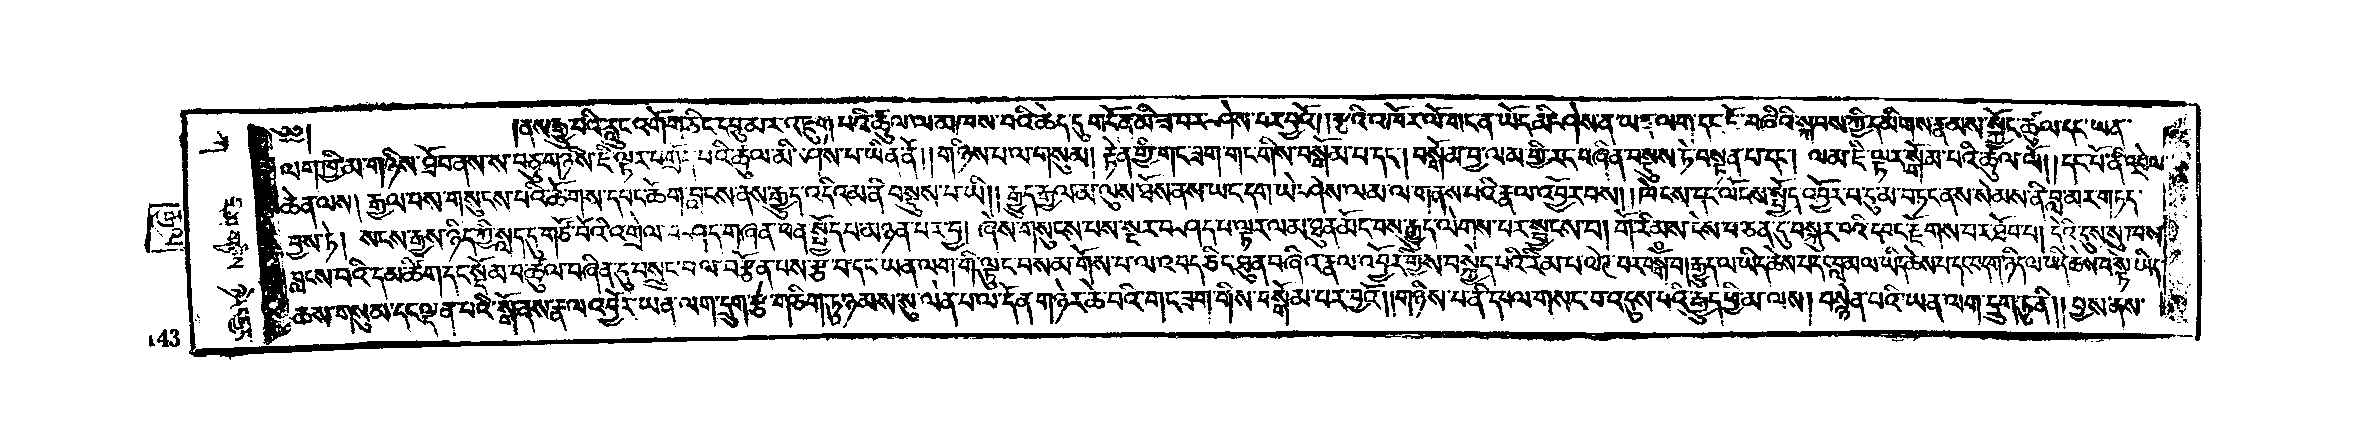༄༅། །ནས་རྒྱུ་བའི་རླུང་འགོག་ཅིང་དབུ་མར་འཇུག་པའི་ཚུལ་ལ་མཁས་པའི་ཆེད་དུ་གདོན་མི་ཟ་བར་ཤེས་པར་བྱའོ། །རྩའི་འཁོར་ལོ་གང་ན་ཡོད་མི་ཤེས་ན་ཡན་ལག་དང་ངོ?་བཞིའི་སྐབས་ཀྱི་དམིགས་རྣམས་སྐྱོང་ཚུལ་དང་ཡན་
ལག་ཁྱིམ་གཉིས་ཐོབ་ནས་ས་བཅུ་གཉིས་ཇི་ལྟར་བགྲོད་པའི་ཚུལ་མི་ཤེས་པ་ཡིན་ནོ། །གཉིས་པ་ལ་གསུམ། རྟེན་གྱི་གང་ཟག་གང་གིས་བསྒོམ་པ་དང་། བསྒོམ་བྱ་ལམ་གྱི་རང་བཞིན་བསྡུས་ཏེ་བསྟན་པ་དང་། ལམ་ཇི་ལྟར་སྒོམ་པའི་ཚུལ་ལོ། །དང་པོ་ནི་འབྲེལ་
ཆེན་ལས། རྒྱལ་བས་གསུངས་པའི་ཚོགས་དབང་ཆོག་བླངས་ནས་རྒྱུད་འདིའམ་ནི་བསྡུས་པ་ཡི། །རྒྱུད་རྒྱལ་མ་ལུས་ཐོས་ནས་ཡང་དག་ཡེ་ཤེས་ལམ་ལ་གནས་པའི་རྣལ་འབྱོར་བས། །ཁེངས་དང་ལོངས་སྤྱོད་འབྱོར་པ་དུ་མ་བཏང་ནས་སེམས་ནི་བླ་མར་གཏད་
བྱས་ཏེ། སངས་རྒྱས་ཉིད་ཀྱི་སླད་དུ་གཙོ་བོའི་འགྲེལ་བཤད་གཞན་ཕན་སྤྱོད་པ་མཉན་པར་བྱ། ཞེས་གསུངས་པས་སྔར་བཤད་པ་ལྟར་ལམ་ཐུན་མོང་བས་རྒྱུད་ལེགས་པར་སྦྱངས་པ། གོ་རིམས་ངེས་པ་ཅན་དུ་བསྐུར་བའི་དབང་རྫོགས་པར་ཐོབ་པ། དེའི་དུས་སུ་ཁས་
བླངས་པའི་དམ་ཚིག་དང་སྡོམ་པ་ཚུལ་བཞིན་དུ་བསྲུང་བ་ལ་བརྩོན་པས་རྩ་བ་དང་ཡན་ལག་གི་ལྟུང་བསམ་གོས་པ་ལ་འབད་ཅིང་ཐུན་བཞིའི་རྣལ་འབྱོར་གྱིས་བསྐྱེད་པའི་རིམ་པ་ལེགས་པར་བསྒོམ་པ། རྒྱུད་ལ་ཡིད་ཆེས་པ་དང་བླ་མ་ལ་ཡིད་ཆེས་པ་དང་བདག་ཉིད་ལ་ཡིད་ཆེས་པ་སྟེ་ཡིད་
ཆས་གསུམ་དང་ལྡན་པའི་སྒོ་ནས་རྣལ་འབྱོར་ཡན་ལག་དྲུག་རྩེ་གཅིག་ཏུ་ཉམས་སུ་ལེན་པ་ལ་དོན་གཉེར་ཆེ་བའི་གང་ཟག་གིས་བསྒོམ་པར་བྱའོ། །གཉིས་པ་ནི་དཔལ་གསང་བ་འདུས་པའི་རྒྱུད་ཕྱི་མ་ལས། བསྙེན་པའི་ཡན་ལག་དྲུག་ཏུ་ནི། །བྱས་ནས་